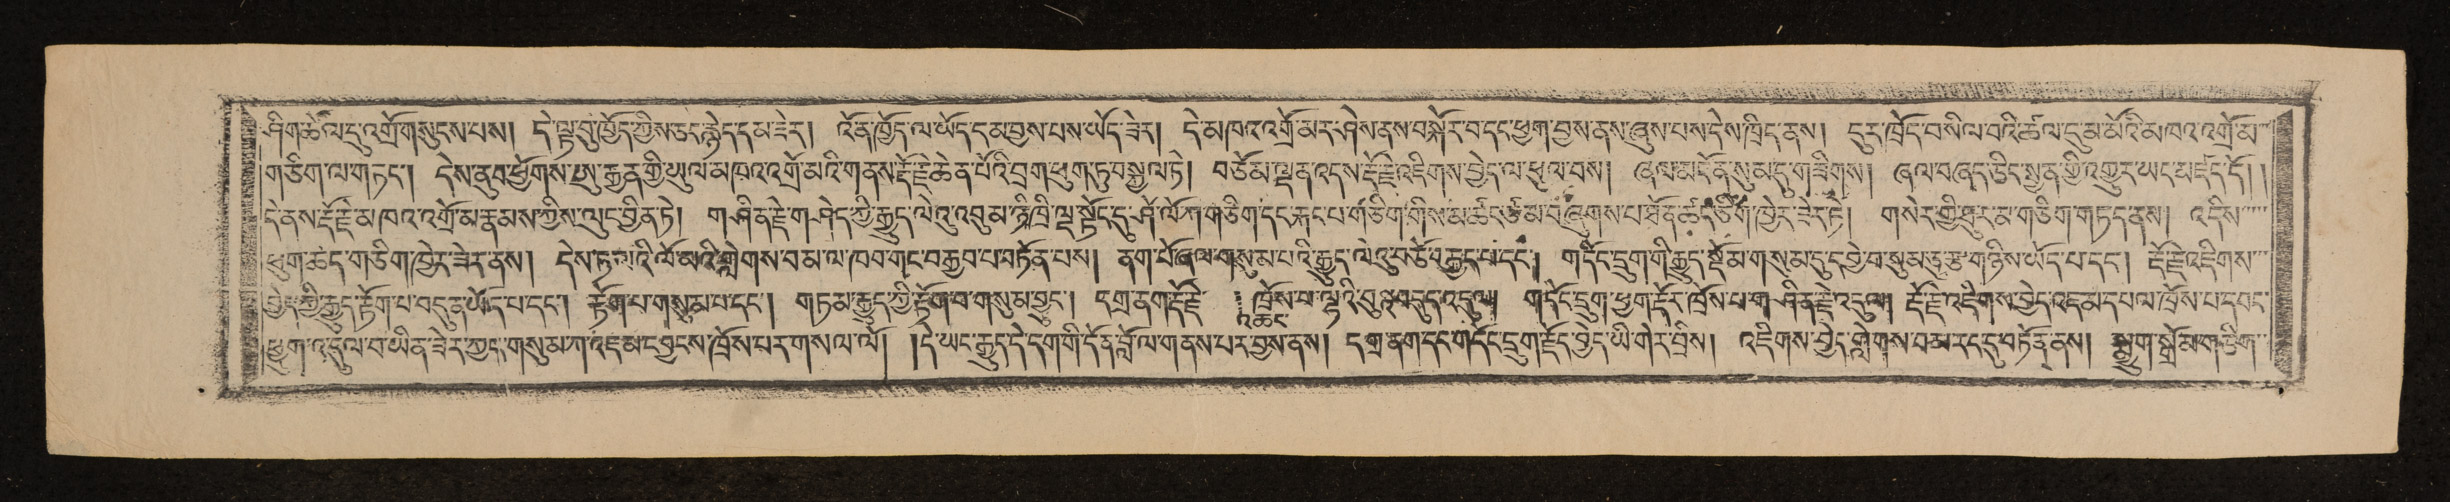ཤིག་ཚོལ་དུ་འགྲོ་གསུངས་པས། དེ་ལྟ་བུ་ཁྱོད་ཀྱིས་ཅང་རྙེད་དམ་ཟེར། འོ་ན་ཁྱོད་ལ་ཡོད་དམ་བྱས་པས་ཡོད་ཟེར། དེ་མཁའ་འགྲོ་མར་ཤེས་ནས་བསྐོར་བ་དང་ཕྱག་བྱས་ནས་ཞུས་པས་དེས་ཁྲིད་ནས། དུར་ཁྲོད་བསིལ་བའི་ཚལ་དུ་མ་མོའི་མཁའ་འགྲོ་མ་
གཅིག་ལ་གཏད། དེས་ནུབ་ཕྱོགས་ཨུ་རྒྱན་གྱི་ཡུལ་མཁའ་འགྲོ་མའི་གནས་རྡོ་རྗེ་ཆེན་པོའི་བྲག་ཕུག་ཏུ་བསྐྱལ་ཏེ། བཅོམ་ལྡན་འདས་རྡོ་རྗེ་འཇིགས་བྱེད་ལ་ཕུལ་བས། ཞལ་མངོན་སུམ་དུ་གཟིགས། ཞལ་བཞད་ཅིང་སྤྱན་གྱི་འགྱུར་ཡང་མཛད་དོ། །
དེ་ནས་རྡོ་རྗེ་མཁའ་འགྲོ་མ་རྣམས་ཀྱིས་ལུང་བྱིན་ཏེ། གཤིན་རྗེ་གཤེད་ཀྱི་རྒྱུད་ལེའུ་འབུམ་ཉི་ཁྲི་ལྔ་སྟོང་དུ་ཤོ་ལོ་ཀ་གཅིག་དང་རྐང་པ་གཅིག་གིས་མ་ཚང་ཙམ་བཞུགས་པ་ཐོན་ཚད་ཅིག་ཁྱེར་ཟེར་ཏེ། གསེར་གྱི་ཐུར་མ་གཅིག་གཏད་ནས། འདིས་
ཕུག་ཚད་གཅིག་ཁྱེར་ཟེར་ནས། དེས་ཏ་ལའི་ལོ་མའི་གླེགས་བམ་ལ་ཁབ་གང་བརྒྱབ་བ་བཏོན་པས། ནག་པོ་ཞལ་གསུམ་པའི་རྒྱུད་ལེའུ་བཅོ་བརྒྱད་པ་དང་། གདོང་དྲུག་གི་རྒྱུད་སྡོམ་གསུམ་དུ་དབྱེ་བ་སུམ་ཅུ་རྩ་གཉིས་ཡོད་པ་དང་། རྡོ་རྗེ་འཇིགས་
བྱེད་ཀྱི་རྒྱུད་རྟོག་པ་བདུན་ཡོད་པ་དང་། རྟོག་པ་གསུམ་པ་དང་། གཏམ་རྒྱུད་ཀྱི་རྟོག་པ་གསུམ་བྱུང་། དགྲ་ནག་རྡོ་རྗེ་འཆང་ཁྲོས་བ་ལྷའི་བུའི་བདུད་འདུལ། གདོང་དྲུག་ཕྱག་རྡོར་ཁྲོས་པ་གཤིན་རྗེ་འདུལ། རྡོ་རྗེ་འཇིགས་བྱེད་འཇམ་དཔལ་ཁྲོས་པ་དབང་
ཕྱུག་འདུལ་བ་ཡིན་ཟེར་ཀྱང་གསུམ་ཀ་འཇམ་དབྱངས་ཁྲོས་པར་གསལ་ལོ། །དེ་ཡང་རྒྱུད་དེ་དག་གི་དོན་བློ་ལ་གནས་པར་བྱས་ནས། དགྲ་ནག་དང་གདོང་དྲུག་རྗོད་བྱེད་ཡི་གེར་བྲིས། འཇིགས་བྱེད་གླེགས་བམ་རང་དུ་བཏོན་ནས། སྨྱུག་སྒྲོམ་གཅིག་